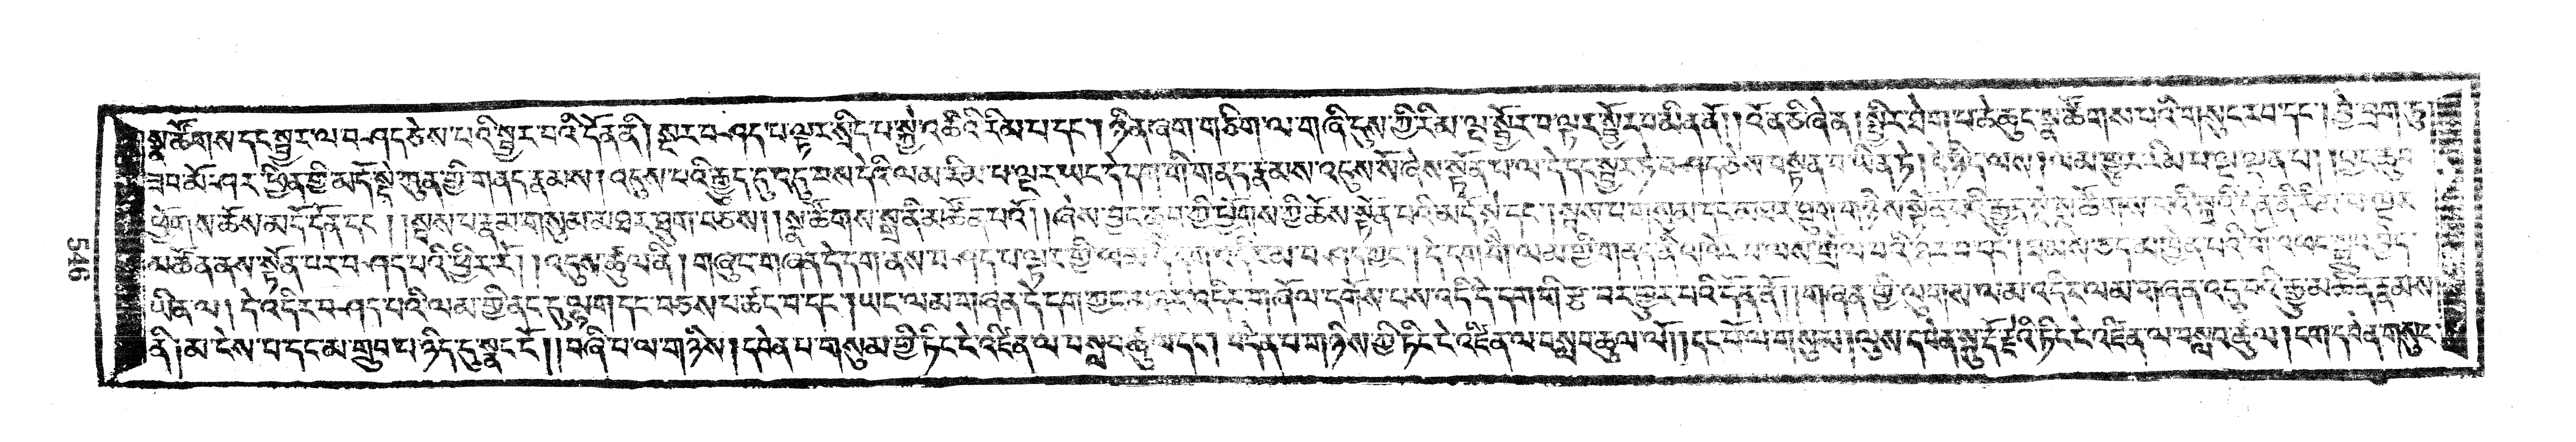སྣ་ཚོགས་དང་སྦྱར་ལ་བཤད་ཅེས་པའི་སྦྱར་བའི་དོན་ནི། སྔར་བཤད་པ་ལྟར་སྲིད་པ་སྐྱེ་འཆིའི་རིམ་པ་དང་། ཉིན་ཞག་གཅིག་ལ་གཞི་དུས་ཀྱི་རིམ་ལྔ་སྦྱར་བ་ལྟར་སྦྱོར་བ་མིན་ནོ། །འོ་ན་ཅི་ཞེ་ན། སྤྱིར་ཐེག་པ་ཆེ་ཆུང་སྣ་ཚོགས་པའི་གསུང་རབ་དང་། བྱེ་བྲག་ཏུ་
ཟབ་མི་ཤར་ཕྱིན་གྱི་མདོ་སྡེ་ཀུན་གྱི་གནད་རྣམས། འདུས་པའི་རྒྱུད་དུ་འདུ་བས་དེའི་ལམ་རིམ་པ་ལྔར་ཡང་དེ་དག་གི་གནད་རྣམས་འདུས་སོ་ཞེས་སྟོན་པ་ལ་དེ་དང་སྦྱར་ཏེ་བཤད་ཅེས་བསྟན་པ་མིན་ཏེ། དེ་ཉིད་ལས། ལམ་གྱུར་རིམ་པ་ལྔ་ལྡན་པ། །བྱང་ཆུབ་
ཕྱོགས་ཆོས་མདོ་དོན་དང་། །སྦས་པ་རྣམ་གསུམ་མཐར་ཐུག་བཅས། །སྣ་ཚོགས་སྒྲ་ནི་མཚོན་པའོ། །ཞེས་བྱང་ཆུབ་ཀྱི་ཕྱོགས་ཀྱི་ཆོས་སྟོན་པའི་མདོ་སྡེ་དང་།སྦས་པ་གསུམ་དང་མཐར་ཐུག་གཉིས་སྟོན་པའི་རྒྱུད་སྡེ་སྣ་ཚོགས་པའི་སྒྲའི་དོན་ནི་རིམ་པ་ལྔར་
མཚོན་ནས་སྟོན་པར་བཤད་པའི་ཕྱིར་རོ། །འདུས་ཚུལ་ནི། གཞུང་གཞན་དེ་དག་ནས་བཤད་པ་ལྟར་གྱི་ལམ་དེ་དག་འདིར་མ་བཤད་ཀྱང་། དེ་དག་གི་ལམ་གྱི་གནད་ནི་འཁོར་བ་ལས་གྲོལ་བའི་ཐར་བ་དང་། ཐམས་ཅད་མཁྱེན་པའི་གོ་འཕང་སྒྲུབ་བྱེད་
ཡིན་ལ། དེ་འདིར་བཤད་པའི་ལམ་གྱི་ནང་དུ་ལྷག་དང་བཅས་པ་ཚང་བ་དང་། ཡང་ལམ་གཞན་དེ་དག་ཀྱང་མཐར་འདིར་གཞོལ་དགོས་པས་འདི་དེ་དག་གི་རྩ་བར་གྱུར་པའི་དོན་ནོ། །གཞན་གྱི་ལུགས་ལམ་འདིར་ལམ་གཞན་འདུ་བའི་རྒྱུ་མཚན་རྣམས་
ནི༑ མ་ངེས་པ་དང་མ་གྲུབ་པ་ཉིད་དུ་སྣང་ངོ། །བཞི་པ་ལ་གཉིས། དབེན་པ་གསུམ་གྱི་ཏིང་ངེ་འཛིན་ལ་བསླབ་ཚུལ་དང་། བདེན་པ་གཉིས་ཀྱི་ཏིང་ངེ་འཛིན་ལ་བསླབ་ཚུལ་ལོ། །དང་པོ་ལ་གསུམ། ལུས་དབེན་སྐུ་རྡོ་རྗེའི་ཏིང་ངེ་འཛིན་ལ་བསླབ་ཚུལ། ངག་དབེན་གསུང་